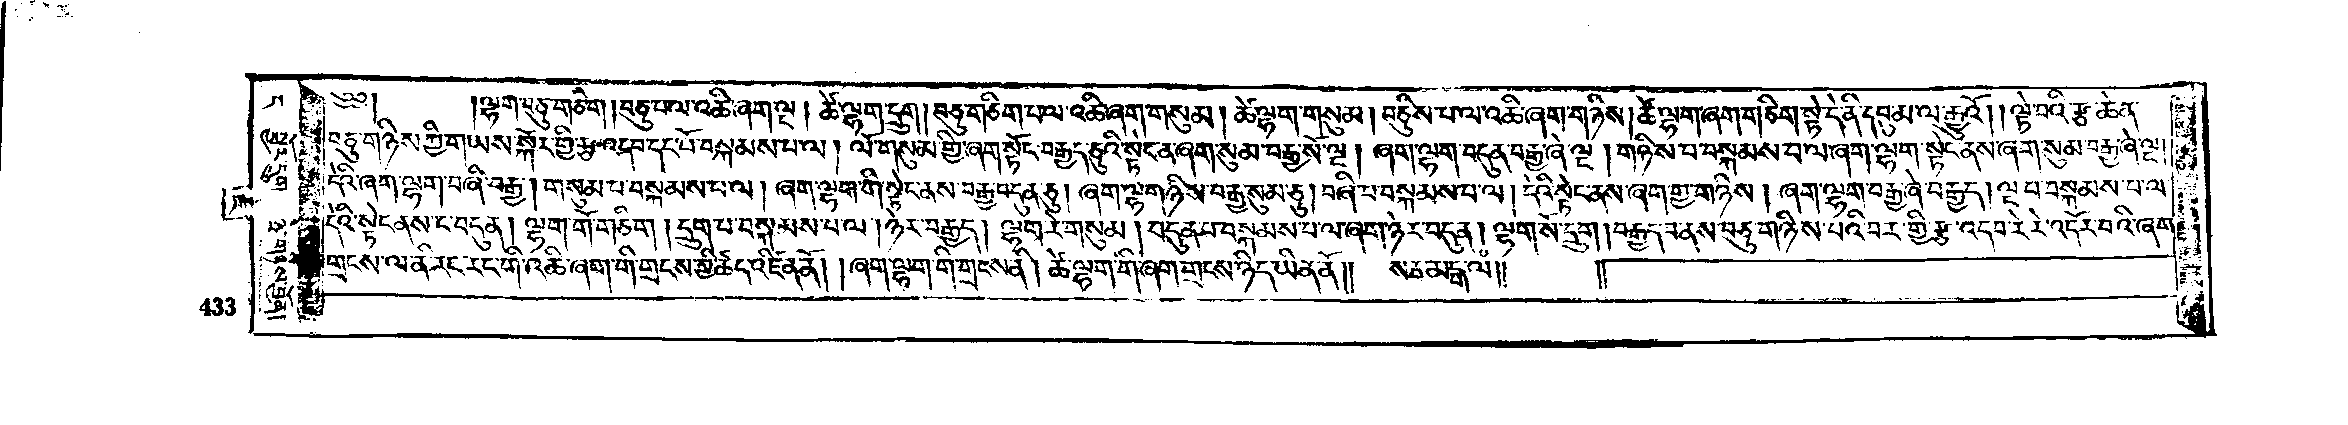༄༅། །ལྷག་བཅུ་གཅིག །བཅུ་པ་ལ་འཆི་ཞག་ལྔ། ཚེ་ལྷག་དྲུག །བཅུ་གཅིག་པ་ལ་འཆི་ཞག་གསུམ། ཚེ་ལྷག་གསུམ། བཅུ་གཉིས་པ་ལ་འཆི་ཞག་གཉིས། ཚེ་ལྷག་ཞག་གཅིག་སྟེ་དེ་ནི་དབུ་མ་ལ་རྒྱུའོ། །ལྟེ་བའི་རྩ་ཆེན་
བཅུ་གཉིས་ཀྱི་གཡས་སྐོར་གྱི་རྩ་འདབ་དང་པོ་བསྐམས་པ་ལ། ལོ་གསུམ་གྱི་ཞག་སྟོང་བརྒྱད་ཅུའི་སྟེང་ན་ཞག་སུམ་བརྒྱ་སོ་ལྔ། ཞག་ལྷག་བདུན་བརྒྱ་ཞེ་ལྔ། གཉིས་པ་བསྐམས་པ་ལ་ཞག་ལྷག་སྟེང་ནས་ཞག་སུམ་བརྒྱ་ཞེ་ལྔ།
དེའི་ཞག་ལྷག་བཞི་བརྒྱ། གསུམ་པ་བསྐམས་པ་ལ། ཞག་ལྷག་གི་སྟེང་ནས་བརྒྱ་བདུན་ཅུ། ཞག་ལྷག་གཉིས་བརྒྱ་སུམ་ཅུ། བཞི་པ་བསྐམས་པ་ལ། དེའི་སྟེང་ནས་ཞག་གྱ་གཉིས། ཞག་ལྷག་བརྒྱ་ཞེ་བརྒྱད། ལྔ་པ་བསྐམས་པ་ལ་
དེའི་སྟེང་ནས་ང་བདུན། ལྷག་གོ་གཅིག །དྲུག་པ་བསྐམས་པ་ལ། ཉེར་བརྒྱད། ལྷག་རེ་གསུམ། བདུན་པ་བསྐམས་པ་ལ་ཞག་ཉེར་བདུན། ལྷག་སོ་དྲུག །བརྒྱད་པ་ནས་བཅུ་གཉིས་པའི་བར་གྱི་རྩ་འདབ་རེ་རེ་འདོར་བའི་ཞག་
གྲངས་ལ་ནི་རང་རང་གི་འཆི་ཞག་གི་གྲངས་ཀྱི་ཚད་འཛིན་ནོ། །ཞག་ལྷག་གི་གྲངས་ནི། ཚེ་ལྷག་གི་ཞག་གྲངས་ཉིད་ཡིན་ནོ། །སརྦ་མངྒ་ལཾ།། །།